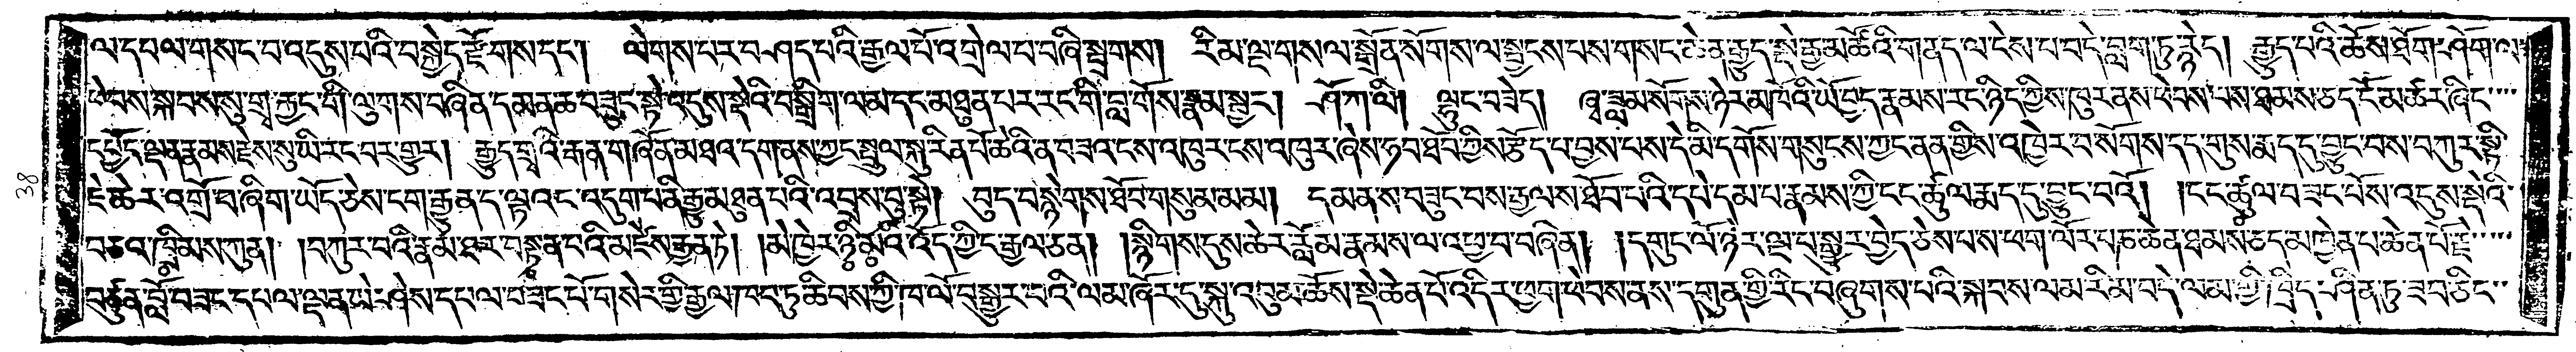ལ་དཔལ་གསང་བ་འདུས་པའི་བསྐྱེད་རྫོགས་དང་། ལེགས་པར་བཤད་པའི་རྒྱལ་པོ་འགྲེལ་པ་བཞི་སྦྲགས། རིམ་ལྔ་གསལ་སྒྲོན་སོགས་ལ་སྦྱངས་བས་གསང་ཆེན་རྒྱུད་སྡེ་རྒྱ་མཚོའི་གནད་ལ་ངེས་པ་བདེ་བླག་ཏུ་རྙེད། རྒྱུད་བའི་ཆོས་ཐོག་ཤོག་ལ་
ཁེབས་སྐབས་སུ་གྲྭ་རྐྱང་གི་ལུགས་བཞིན་དམན་ཆ་བཟུང་སྟེ་འདུས་སྡེའི་བསྒྲིག་ལམ་དང་མཐུན་པར་རང་གི་བླ་གོས་སྣམ་སྦྱར། ཤོ་ཀ་ལི། ལྷུང་བཟེད། ཞྭ་ཟླམ་སོགས་ཉེར་མཁོའི་ཡོ་བྱད་རྣམས་རང་ཉིད་ཀྱིས་ཁུར་ནས་ཕེབས་པས་ཐམས་ཅད་ངོ་མཚར་ཞིང་
དཔྱོད་ལྡན་རྣམས་རྗེས་སུ་ཡི་རང་བར་གྱུར། རྒྱུད་གྲྭའི་རྒན་གཞོན་མཐའ་དག་ནས་ཀྱང་སྤྲུལ་སྐུ་རིན་པོ་ཆེའི་ན་བཟའ་ངས་འཁུར་ངས་འཁུར་ཞེས་ཧབ་ཐོབ་ཀྱིས་རྩོད་པ་བྱས་པས་དེ་མི་དགོས་གསུངས་ཀྱང་ནན་གྱིས་འཁྱེར་བ་སོགས་དད་གུས་རྨད་དུ་བྱུང་བས་བཀུར་སྟི་
ཇེ་ཆེར་འགྲོ་བ་ཞིག་ཡོད་ཅེས་ངག་རྒྱུན་ད་ལྟའང་འདུག་པ་ནི་རྒྱུ་མཐུན་པའི་འབྲས་བུ་སྟེ། བུད་བསྙེགས་ཐོབ་གསུམ་མམ། དམན་ས་བཟུང་བས་རྒྱལ་ས་ཐོབ་པའི་དཔེ་དམ་པ་རྣམས་ཀྱི་ངང་ཚུལ་རྨད་དུ་བྱུང་བའོ། །ངང་ཚུལ་བཟང་པོས་འདུས་སྡེའི་
བཅའ་ཁྲིམས྾་ཀུན། །བཀུར་བའི་རྣམ་ཐར་བསྟན྾་པའི་མཛེས་རྒྱན་ཏེ། །མེ་ཁྱེར་ཉི྾་མའི྾་འོད་ཀྱི་ང་རྒྱལ་ཅན། །སྙིགས་དུས་ཆེར་རློམ་རྣམས་ལ་འཕྱ་བ་བཞིན། །དགུང་ལོ་ཉེར་ལྔ་པ་སྒྱུར་བྱེད་ཅེས་པས་ཕག་ལོར་བཎ་ཆེན་ཐམས་ཅད་མཁྱེན་པ་ཆེན་པོ་རྗེ་
བཙུན་བློ་བཟང་དཔལ་ལྡན་ཡེ་ཤེས་དཔལ་བཟང་པོ་གསེར་གྱི་རྒྱལ་ཁབ་ཏུ་ཆིབས་ཀྱི་ཁ་ལོ་བསྒྱུར་བའི་ལམ་ཞོར་དུ་སྐུ་འབུམ་ཆོས་སྡེ་ཆེན་པོ་འདིར་ཕྱག་ཕེབས་ནས་དགུན་གྱི་རིང་བཞུགས་པའི་སྐབས་ལམ་རིམ་བདེ་ལམ་གྱི་ཁྲིད་ཤིན་ཏུ་ཟབ་ཅིང་